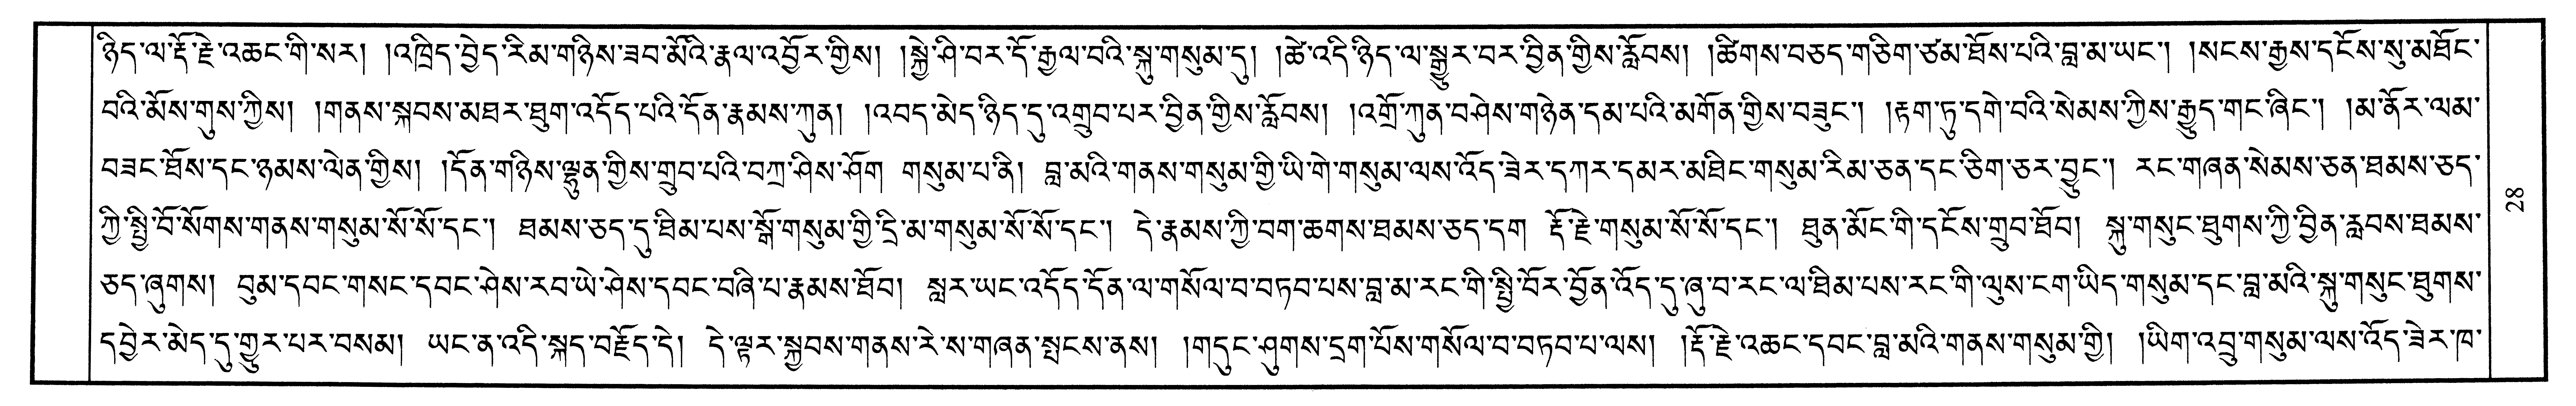ཉིད་ལ་རྡོ་རྗེ་འཆང་གི་སར། །འཁྲིད་བྱེད་རིམ་གཉིས་ཟབ་མོའི་རྣལ་འབྱོར་གྱིས། །སྐྱེ་ཤི་བར་དོ་རྒྱལ་བའི་སྐུ་གསུམ་དུ། །ཚེ་འདི་ཉིད་ལ་སྒྱུར་བར་བྱིན་གྱིས་རློབས། །ཚིགས་བཅད་གཅིག་ཙམ་ཐོས་པའི་བླ་མ་ཡང་། །སངས་རྒྱས་དངོས་སུ་མཐོང་
བའི་མོས་གུས་ཀྱིས། །གནས་སྐབས་མཐར་ཐུག་འདོད་པའི་དོན་རྣམས་ཀུན། །འབད་མེད་ཉིད་དུ་འགྲུབ་པར་བྱིན་གྱིས་རློབས། །འགྲོ་ཀུན་བཤེས་གཉེན་དམ་པའི་མགོན་གྱིས་བཟུང་། །རྟག་ཏུ་དགེ་བའི་སེམས་ཀྱིས་རྒྱུད་གང་ཞིང་། །མ་ནོར་ལམ་
བཟང་ཐོས་དང་ཉམས་ལེན་གྱིས། །དོན་གཉིས་ལྷུན་གྱིས་གྲུབ་པའི་བཀྲ་ཤིས་ཤོག་གསུམ་པ་ནི། བླ་མའི་གནས་གསུམ་གྱི་ཡི་གེ་གསུམ་ལས་འོད་ཟེར་དཀར་དམར་མཐིང་གསུམ་རིམ་ཅན་དང་ཅིག་ཅར་བྱུང་། །རང་གཞན་སེམས་ཅན་ཐམས་ཅད་
ཀྱི་སྤྱི་བོ་སོགས་གནས་གསུམ་སོ་སོ་དང་། ཐམས་ཅད་དུ་ཐིམ་པས་སྒོ་གསུམ་གྱི་དྲི་མ་གསུམ་སོ་སོ་དང་། དེ་རྣམས་ཀྱི་བག་ཆགས་ཐམས་ཅད་དག་རྡོ་རྗེ་གསུམ་སོ་སོ་དང་། ཐུན་མོང་གི་དངོས་གྲུབ་ཐོབ། སྐུ་གསུང་ཐུགས་ཀྱི་བྱིན་རླབས་ཐམས་
ཅད་ཞུགས། །བུམ་དབང་གསང་དབང་ཤེས་རབ་ཡེ་ཤེས་དབང་བཞི་པ་རྣམས་ཐོབ། སླར་ཡང་འདོད་དོན་ལ་གསོལ་བ་བཏབ་པས་བླ་མ་རང་གི་སྤྱི་བོར་བྱོན་འོད་དུ་ཞུ་བ་རང་ལ་ཐིམ་པས་རང་གི་ལུས་ངག་ཡིད་གསུམ་དང་བླ་མའི་སྐུ་གསུང་ཐུགས་
དབྱེར་མེད་དུ་གྱུར་པར་བསམ། ཡང་ན་འདི་སྐད་བརྗོད་དེ། དེ་ལྟར་སྐྱབས་གནས་རེ་ས་གཞན་སྤངས་ནས། །གདུང་ཤུགས་དྲག་པོས་གསོལ་བ་བཏབ་པ་ལས། །རྡོ་རྗེ་འཆང་དབང་བླ་མའི་གནས་གསུམ་གྱི། །ཡིག་འབྲུ་གསུམ་ལས་འོད་ཟེར་ཁ་